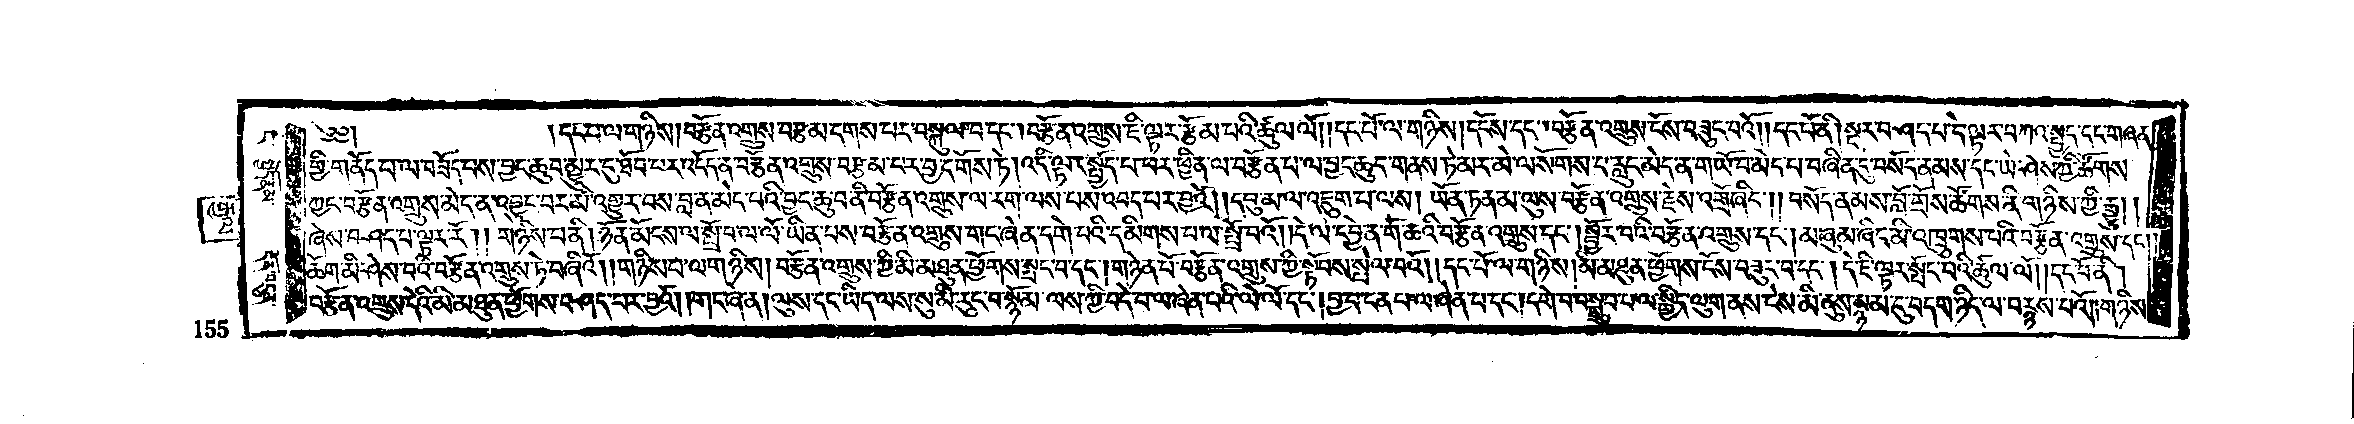༄༅། །དང་པོ་ལ་གཉིས། བརྩོན་འགྲུས་བརྩམ་དགས་པར་བསྐུལ་བ་དང་། བརྩོན་འགྲུས་ཇི་ལྟར་རྩོམ་པའི་ཚུལ་ལོ། །དང་པོ་ལ་གཉིས། དངོས་དང་། བརྩོན་འགྲུས་ངོས་བཟུང་བའོ། །དང་པོ་ནི། སྔར་བཤད་པ་དེ་ལྟར་བཀའ་སྤྱོད་དང་གཞན་
གྱི་གནོད་པ་ལ་བཞོད་པས་བྱང་ཆུབ་མྱུར་དུ་ཐོབ་པར་འདོད་ན་བརྩོན་འགྲུས་བརྩམ་པར་བྱ་དགོས་ཏེ། འདི་ལྟར་སྤྱོད་པ་ཕར་ཕྱིན་ལ་བརྩོན་པ་ལ་བྱང་ཆུབ་གནས་ཏེ་མར་མེ་ལ་སོགས་པ་རླུང་མེད་ན་གཡོ་བ་མེད་པ་བཞིན་དུ་བསོད་ནམས་དང་ཡེ་ཤེས་ཀྱི་ཚོགས་
ཀྱང་བརྩོན་འགྲུས་མེད་ན་འབྱུང་བར་མི་འགྱུར་བས་བླ་ན་མེད་པའི་བྱང་ཆུབ་ནི་བརྩོན་འགྲུས་ལ་རག་ལས་པས་འབད་པར་བྱའོ། །དབུ་མ་ལ་འཇུག་པ་ལས། ཡོན་ཏན་མ་ལུས་བརྩོན་འགྲུས་རྗེས་འགྲོ་ཞིང་། བསོད་ནམས་བློ་གྲོས་ཚོགས་ནི་གཉིས་ཀྱི་རྒྱུ། །
ཞེས་བཤད་པ་ལྟར་རོ། །གཉིས་པ་ནི། ཉོན་མོངས་ལ་སྤྲོ་བ་ལ་ལོ་ཡིན་པས་བརྩོན་འགྲུས་གང་ཞེ་ན་དགེ་བའི་དམིགས་པ་ལ་སྤྲོ་བའོ། །དེ་ལ་དབྱེ་ན་གོ་ཆའི་བརྩོན་འགྲུས་དང་། སྦྱོར་བའི་བརྩོན་འགྲུས་དང་། མ་ཞུམ་ཞིང་མི་འཁྲུགས་པའི་བརྩོན་འགྲུས་དང་།
ཆོག་མི་ཤེས་པའི་བརྩོན་འགྲུས་ཏེ་བཞིའོ། །གཉིས་པ་ལ་གཉིས། བརྩོན་འགྲུས་ཀྱི་མཐུན་ཕྱོགས་སྤང་བ་དང་། གཉེན་པོ་བརྩོན་འགྲུས་ཀྱི་སྟོབས་སྤེལ་བའོ། །དང་པོ་ལ་གཉིས། མི་མཐུན་ཕྱོགས་དོན་བཟུང་བ་དང་། དེ་ཇི་ལྟར་སྤོང་བའི་ཚུལ་ལོ། །དང་པོ་ནི།
བརྩོན་འགྲུས་དེའི་མི་མཐུན་ཕྱོགས་བཤད་པར་བྱའོ། །གང་ཞེ་ན། ལུས་དང་ཡིད་ལས་སུ་མི་རུང་བ་སྙོམ་ལས་ཀྱི་བདེ་བ་ལ་ཞེན་པའི་ལེ་ལོ་དང་། བྱ་བ་ངན་པ་ལ་ཞེན་པ་དང་། དགེ་བ་བསྒྲུབ་པ་ལ་སྒྱིད་ལུག་ནས་ངེས་མི་ནུས་སྙམ་དུ་བདག་ཉིད་ལ་བརྙས་པའོ། །གཉིས་